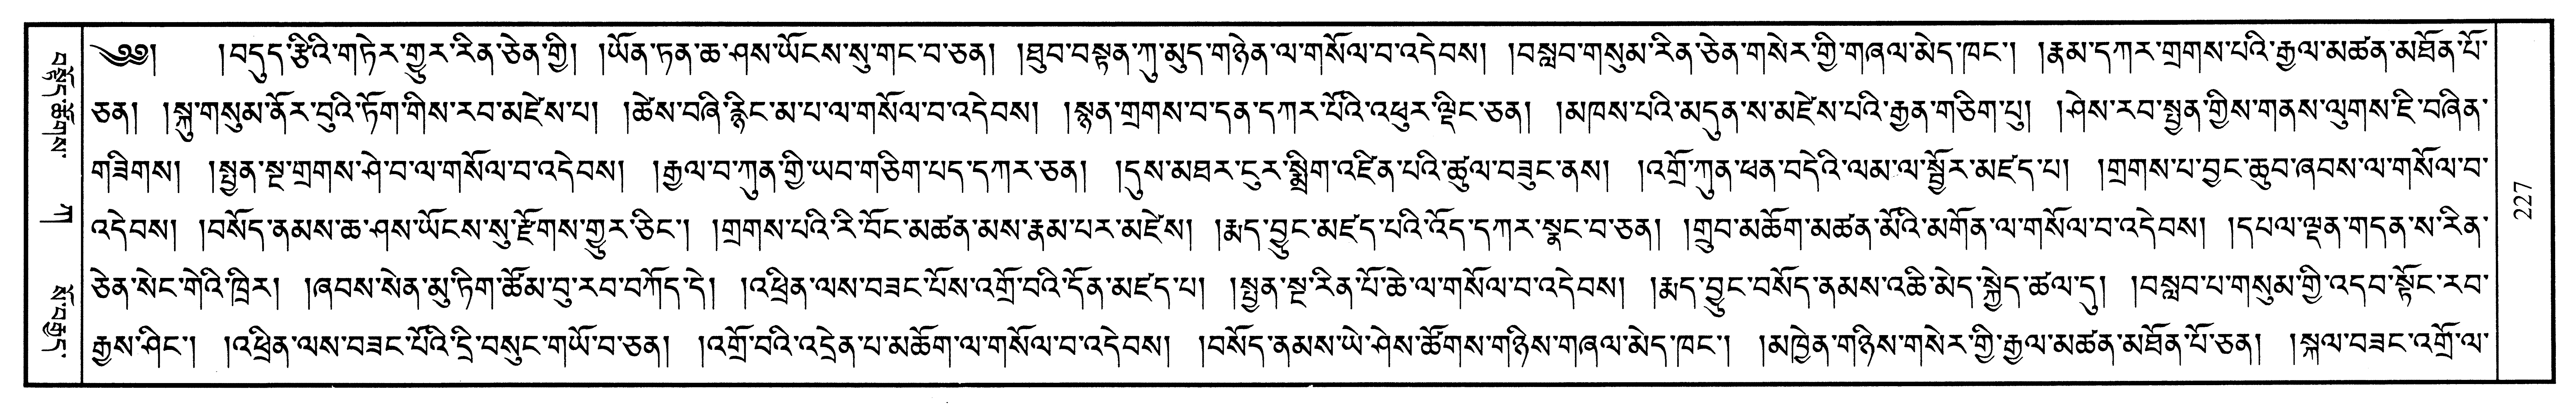༄༅། །བདུད་རྩིའི་གཏེར་གྱུར་རིན་ཅེན་གྱི། །ཡོན་ཏན་ཆ་ཤས་ཡོངས་སུ་གང་བ་ཅན། །ཐུབ་བསྟན་ཀུ་མུད་གཉེན་ལ་གསོལ་བ་འདེབས། །བསླབ་གསུམ་རིན་ཅེན་གསེར་གྱི་གཞལ་མེད་ཁང་། །རྣམ་དཀར་གྲགས་པའི་རྒྱལ་མཚན་མཐོན་པོ་
ཅན། །སྐུ་གསུམ་ནོར་བུའི་ཏོག་གིས་རབ་མཛེས་པ། །ཚེས་བཞི་རྙིང་མ་པ་ལ་གསོལ་བ་འདེབས། །སྙན་གྲགས་བ་དན་དཀར་པོའི་འཕུར་ལྡིང་ཅན། །མཁས་པའི་མདུན་ས་མཛེས་པའི་རྒྱན་གཅིག་པུ། །ཤེས་རབ་སྤྱན་གྱིས་གནས་ལུགས་ཇི་བཞིན་
གཟིགས། །སྤྱན་སྔ་གྲགས་ཤེ་བ་ལ་གསོལ་བ་འདེབས། །རྒྱལ་བ་ཀུན་གྱི་ཡབ་གཅིག་པད་དཀར་ཅན། །དུས་མཐར་ངུར་སྨྲིག་འཛིན་པའི་ཚུལ་བཟུང་ནས། །འགྲོ་ཀུན་ཕན་བདེའི་ལམ་ལ་སྦྱོར་མཛད་པ། །གྲགས་པ་བྱང་ཆུབ་ཞབས་ལ་གསོལ་བ་
འདེབས། །བསོད་ནམས་ཆ་ཤས་ཡོངས་སུ་རྫོགས་གྱུར་ཅིང་། །གྲགས་པའི་རི་བོང་མཚན་མས་རྣམ་པར་མཛེས། །རྨད་བྱུང་མཛད་པའི་འོད་དཀར་སྣང་བ་ཅན། །གྲུབ་མཆོག་མཚན་མོའི་མགོན་ལ་གསོལ་བ་འདེབས། །དཔལ་ལྡན་གདན་ས་རིན་
ཅེན་སེང་གེའི་ཁྲིར། །ཞབས་སེན་མུ་ཏིག་ཚོམ་བུ་རབ་བཀོད་དེ། །འཕྲིན་ལས་བཟང་པོས་འགྲོ་བའི་དོན་མཛད་པ། །སྤྱན་སྔ་རིན་པོ་ཆེ་ལ་གསོལ་བ་འདེབས། །རྨད་བྱུང་བསོད་ནམས་འཆི་མེད་སྐྱེད་ཚལ་དུ། །བསླབ་པ་གསུམ་གྱི་འདབ་སྟོང་རབ་
རྒྱས་ཤིང་། །འཕྲིན་ལས་བཟང་པོའི་དྲི་བསུང་གཡོ་བ་ཅན། །འགྲོ་བའི་འདྲེན་པ་མཆོག་ལ་གསོལ་བ་འདེབས། །བསོད་ནམས་ཡེ་ཤེས་ཚོགས་གཉིས་གཞལ་མེད་ཁང་། །མཁྱེན་གཉིས་གསེར་གྱི་རྒྱལ་མཚན་མཐོན་པོ་ཅན། །སྐལ་བཟང་འགྲོ་ལ་